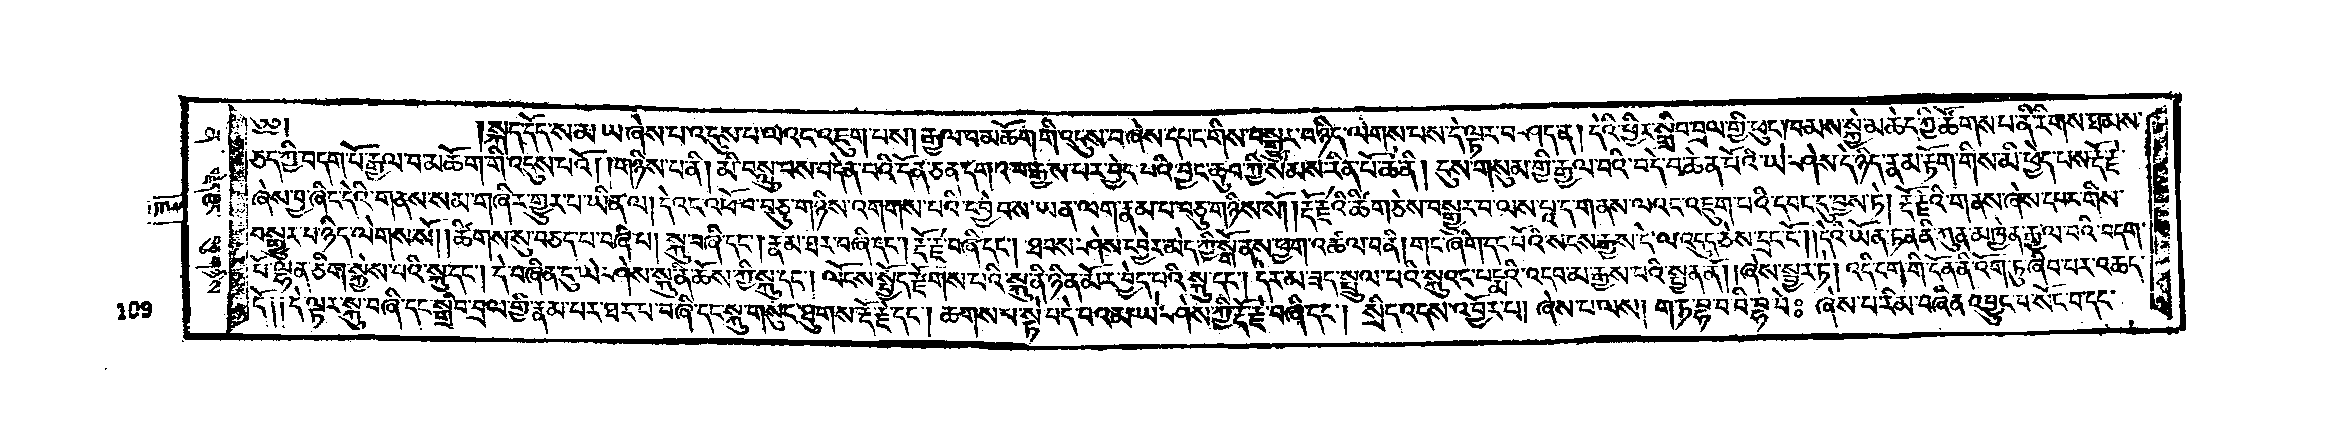༄༅། །སྐད་དེད་ས་མ་ཡ་ཞེས་པ་འདུས་པ་ལའང་འཇུག་པས། རྒྱལ་བ་མཆོག་གི་འདུས་པ་ཞེས་དཔང་གི་བསྒྱུར་བ་ཉིད་ལེགས་པས་དེ་ལྟར་བཤད་ན། དེའི་ཕྱིར་སྒྲིབ་བྲལ་གྱི་ཕུང་ཁམས་སྐྱེ་མཆེད་ཀྱི་ཚོགས་པ་ནི་རིགས་ཐམས་
ཅད་ཀྱི་བདག་པོ་རྒྱལ་བ་མཆོག་གི་འདུས་པའོ། །གཉིས་པ་ནི། མི་བསླུ་བས་བདེན་པའི་དོན་ཅན་དགའ་བ་རྒྱས་པར་བྱེད་པའི་བྱང་ཆུབ་ཀྱི་སེམས་རིན་པོ་ཆེ་ནི། དུས་གསུམ་གྱི་རྒྱལ་བའི་བདེ་བ་ཆེན་པོའི་ཡེ་ཤེས་དེ་ཉིད་རྣམ་རྟོག་གིས་མི་ཕྱེད་པས་རྡོ་རྗེ་
ཞེས་བྱ་ཞིང་དེའི་གནས་སམ་གཞིར་གྱུར་པ་ཡིན་ལ། དེའང་འཕོ་བ་བཅུ་གཉིས་འགགས་པའི་དབྱེ་བས་ཡན་ལག་རྣམ་པ་བཅུ་གཉིས་སོ། །རྡོ་རྗེའི་ཚིག་ཅེས་བསྒྱུར་བ་ལས་པཱ་ད་གནས་ལའང་འཇུག་པའི་དབང་དུ་བྱས་ཏེ། རྡོ་རྗེའི་གནས་ཞེས་དཔང་གིས་
བསྒྱུར་བ་ཉིད་ལེགས་སོ། །ཚིགས་སུ་བཅད་པ་བཞི་པ། སྐུ་བཞི་དང་། རྣམ་ཐར་བཞི་དང་། རྡོ་རྗེ་བཞི་དང་། ཐབས་ཤེས་དབྱེར་མེད་ཀྱི་སྒོ་ནས་ཕྱག་འཚལ་བ་ནི། གང་ཞིག་དང་པོའི་སངས་རྒྱས་དེ་ལ་འདུད་ཅེས་དྲང་ངོ། །དེའི་ཡོན་ཏན་ནི་ཀུན་མཁྱེན་རྒྱལ་བའི་བདག་
པོ་ལྷན་ཅིག་སྐྱེས་པའི་སྐུ་དང་། དེ་བཞིན་དུ་ཡེ་ཤེས་སྐུ་ནི་ཆོས་ཀྱི་སྐུ་དང་། ལོངས་སྤྱོད་རྫོགས་པའི་སྐུ་ནི་ཉིན་མོར་བྱེད་པའི་སྐུ་དང་། དེར་མ་ཟད་སྤྲུལ་པའི་སྐུའང་པདམའི་འདབ་མ་རྒྱས་པའི་སྤྱན་ནོ། །ཞེས་སྦྱར་ཏེ། འདི་དག་གི་དོན་ནི་འོག་ཏུ་ཞིབ་པར་འཆད་
དོ། །དེ་ལྟར་སྐུ་བཞི་དང་སྒྲིབ་བྲལ་གྱི་རྣམ་པར་ཐར་པ་བཞི་དང་སྐུ་གསུང་ཐུགས་རྡོ་རྗེ་དང་། ཆགས་པ་སྟེ་བདེ་བའམ་ཡེ་ཤེས་ཀྱི་རྡོ་རྗེ་བཞི་དང་། སྲིད་འདས་འབྱོར་པ། ཞེས་པ་ལས། ག་ཏ་བྷ་བ་བི་བྷ་བེཿ ཞེས་པ་རིམ་བཞིན་འབྱུང་བ་སོང་བ་དང་